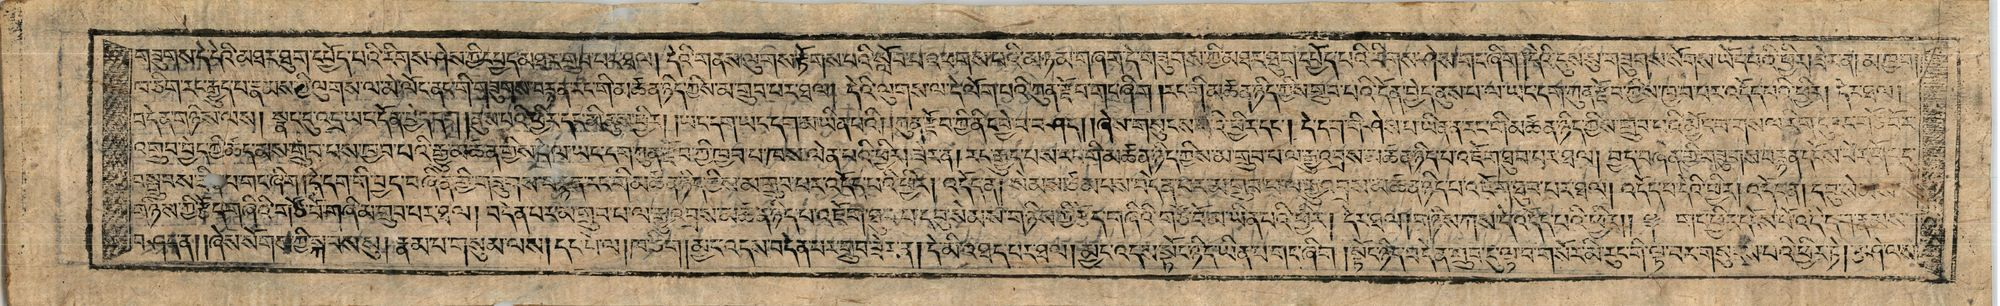གཟུགས་དེ་དེའི་མཐར་ཐུག་དཔྱོད་པའི་རིགས་ཤེས་ཀྱི་དཔྱད་མཐར་གྲུབ་པར་ཐལ། དེའི་གནས་ལུགས་རྟོགས་པའི་སློབ་པ་འཕགས་པའི་མཉམ་གཞག་དེ་གཟུགས་ཀྱི་མཐར་ཐུག་དཔྱོད་པའི་རིགས་ཤེས་གང་ཞིག ། དེའི་དུས་སུ་གཟུགས་སོགས་ཡོད་པའི་ཕྱིར། ཟེར་ན། མ་ཁྱབ།
ཁ་ཅིག་རང་རྒྱུད་པ་རྣམས་གྱི་ལུགས་ལ་མེ་ལོང་ནང་གི་གཟུགས་བརྙན་རང་གི་མཚན་ཉིད་ཀྱིས་མ་གྲུབ་པར་ཐལ། དེའི་ལུགས་ལ་དེ་ལོག་པའི་ཀུན་རྫོབ་གང་ཞིག ། རང་གི་མཚན་ཉིད་ཀྱིས་གྲུབ་པའི་དོན་བྱེད་ནུས་པ་ལ་ཡང་དག་ཀུན་རྫོབ་ཀྱིས་ཁྱབ་པར་འདོད་པའི་ཕྱིར། དེར་ཐལ།
བདེན་གཉིས་ལས། སྣང་དུ་འདི་ཡང་དོན་བྱེད་དག །ནུས་པའི་ཕྱིར་དང་མི་ནུས་ཕྱིར། །ཡང་དག་ཡང་དག་མ་ཡིན་པའི། །ཀུན་རྫོབ་ཀྱི་ནི་དབྱེ་བ་བཤད། །ཞེས་གསུངས་པའི་ཕྱིར་དང་། དེ་དག་གི་ཤེས་པ་ཡིན་ན་རང་གི་མཚན་ཉིད་ཀྱིས་གྲུབ་པའི་མྱོང་བ་གསལ་རིག་དུ་རང་གཙོ་བོར་
འགྲུབ་བྱེད་ཀྱི་ཚད་མས་གྲུབ་པས་ཁྱབ་པའི་རྒྱུ་མཚན་གྱིས་དེ་ལ་ཡང་དག་ཀུན་རྫོབ་ཀྱི་ཁྱབ་པ་ཁས་ལེན་པའི་ཕྱིར། ཟེར་ན། རང་རྒྱུད་པས་རང་གི་མཚན་ཉིད་ཀྱིས་མ་གྲུབ་པ་ལ་རྒྱུ་འབྲས་མཚན་ཉིད་པ་འཇོག་ཐུབ་པར་ཐལ། བྱད་བཞིན་གྱི་གཟུགས་བརྙན་དངོས་པོར་གོང་དུ་
བསྒྲུབས་ཟིན་པ་གང་ཞིག ། དེ་དག་གི་བྱད་བཞིན་གྱི་གཟུགས་བརྙན་རང་གི་མཚན་ཉིད་ཀྱིས་མ་གྲུབ་པར་འདོད་པའི་ཕྱིར། འདོད་ན། སེམས་ཙམ་པས་བདེན་པར་མ་གྲུབ་པ་ལ་རྒྱུ་འབྲས་མཚན་ཉིད་པ་འཇོག་ཐུབ་པར་ཐལ། འདོད་པ་དེའི་ཕྱིར། འདོད་ན། དབུ་སེམས་
གཉིས་ཀྱི་རྩོད་གཞིའི་གཙོ་བོ་གཞི་མ་གྲུབ་པར་ཐལ། བདེན་པར་མ་གྲུབ་པ་ལ་རྒྱུ་འབྲས་མཚན་ཉིད་པ་འཇོག་ཐུབ་པ་དབུ་སེམས་གཉིས་ཀྱི་རྩོད་གཞིའི་གཙོ་བོ་མ་ཡིན་པའི་ཕྱིར། དེར་ཐལ། གཉིས་ཀས་དེ་འདོད་པའི་ཕྱིར།། ༈ གང་ཕྱིར་དངོས་པོ་འདི་དག་རྣམ་
དཔྱད་ན། །ཞེས་སོགས་ཀྱི་སྐབས་སུ། རྣམ་པ་གསུམ་ལས། དང་པོ་ལ། ཁ་ཅིག ། མྱང་འདས་བདེན་པར་གྲུབ་ཟེར་ན། དེ་མི་འཐད་པར་ཐལ། མྱང་འདས་སྟོང་ཉིད་ཡིན་པ་གང་ཞིག ། སྟོང་ཉིད་བདེན་གྲུབ་དུ་ལྟ་བ་གསོརྨི་རུང་གི་ལྟ་བར་གསུངས་པའི་ཕྱིར་ཏེ། རྩ་ཤེ་ལས་